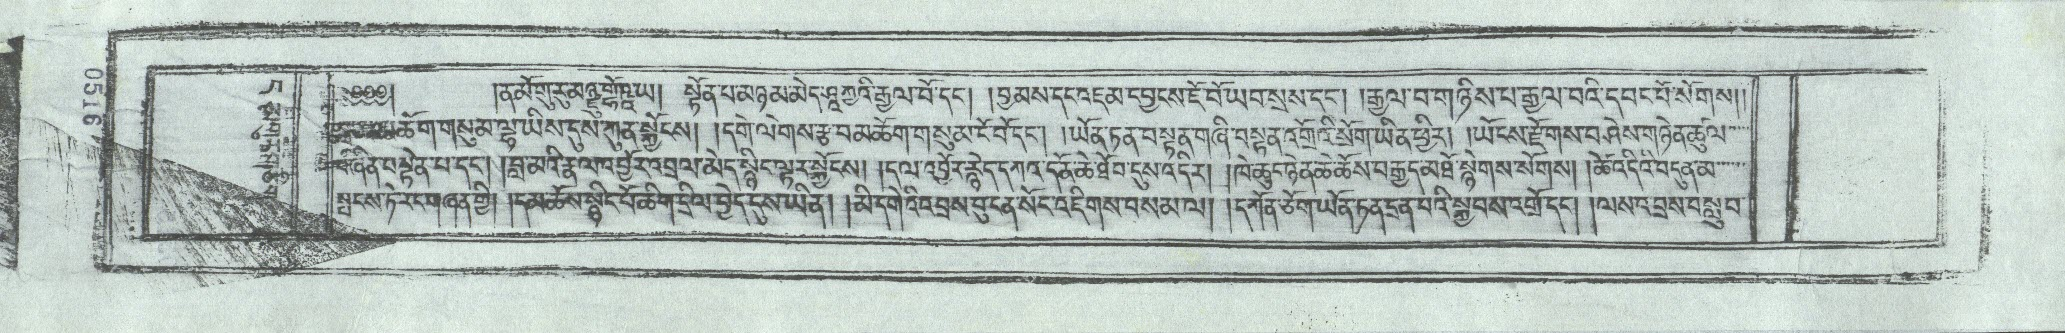༄༅༅། །ན་མོ་གུ་རུ་མཉྫུ་གྷོ་ཥཱ་ཡ། སྟོན་པ་མཉམ་མེད་ཤཱཀྱའི་རྒྱལ་པོ་དང་། །བྱམས་དང་འཇམ་དབྱངས་ཇོ་བོ་ཡབ་སྲས་དང་། །རྒྱལ་བ་གཉིས་པ་རྒྱལ་བའི་དབང་པོ་སོགས།
བླ་མ་མཆོག་གསུམ་ལྷ་ཡིས་དུས་ཀུན་སྐྱོངས། །དགེ་ལེགས་རྩ་བ་མཆོག་གསུམ་ངོ་བོ་དང་། །ཡོན་ཏན་བསྟན་གཞི་བསྟན་འགྲོའི་སྲོག་ཡིན་ཕྱིར། །ཡོངས་རྫོགས་བཤེས་གཉེན་ཚུལ་
བཞིན་བསྟེན་པ་དང་། །བླ་མའི་རྣལ་འབྱོར་འབྲལ་མེད་སྙིང་ལྟར་སྐྱོངས། །དལ་འབྱོར་རྙེད་དཀའ་དོན་ཆེ་ཐོབ་དུས་འདིར། །ཁེ་ཆུང་ཉེན་ཆེ་ཆོས་བརྒྱད་མཐོ་སྙེགས་སོགས། །ཚེ་འདིའི་བདུན་མ་
སྤངས་ཏེ་རང་གཞན་གྱི། །དམ་ཆོས་སྙིང་པོ་ཆིག་དྲིལ་བྱེད་དུས་ཡིན། །མི་དགེའི་འབྲས་བུ་ངན་སོང་འཇིགས་བསམ་ལ། །དཀོན་ཅོག་ཡོན་ཏན་དྲན་པའི་སྐྱབས་འགྲོ་དང་། །ལས་འབྲས་བསླུབ་